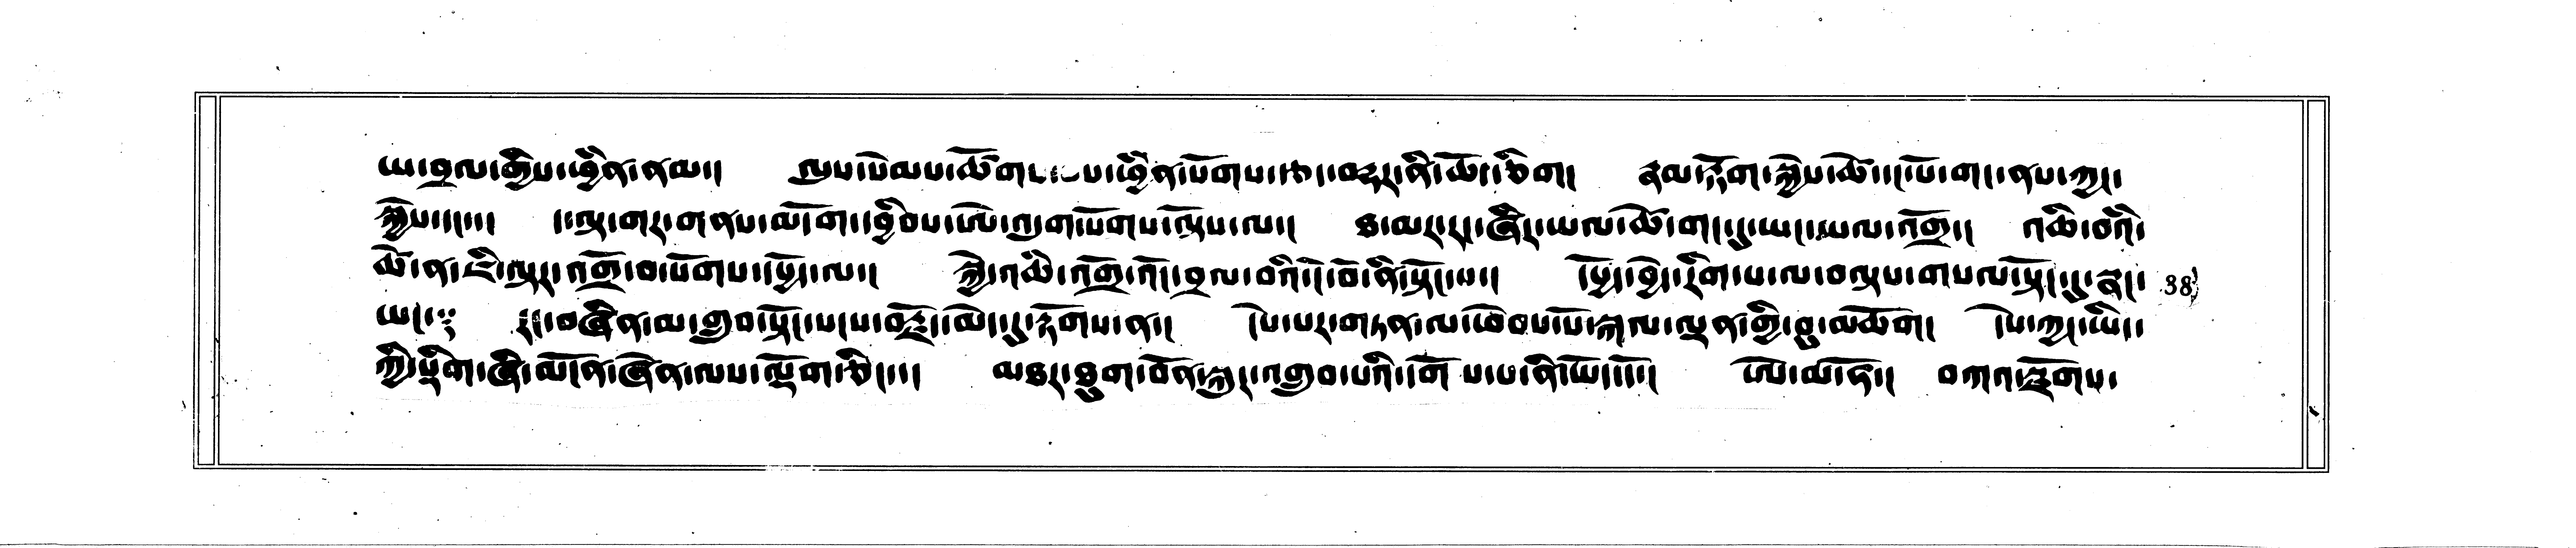ཡ་བྲལ་གྱིས་ཕྱིན་ནམ། །ལུས་སེམས་ཚོགས་པས་ཕྱིན་སོགས་རྕད་བརྡར་ནི་ཆོད་ཅིག །རྣམ་རྟོག་སྐྱེས་ཚེ་དང་པོ་གང་ནས་ཀྱང་
སྐྱེས་དང་། །ད་ལྟ་གར་གནས་མདོག་དབྱིབས་ཨེ་འདུག་སོགས་ལྟོས་ལ། །ཐ་མར་རང་ཞིར་ཡལ་ཚེ་གང་དུ་ཡང་ཡལ་འགྲོ། །འཆི་བའི་
ཚེ་ན་ཇི་ལྟར་འགྲོ་བ་སོགས་དཔྱོད་ལ། །སྐྱེ་འཆི་འགྲོ་འོང་བྲལ་བའི་ངོ་བོ་ནི་སྟོང་པ། །དཔྱོད་བྱེད་རིག་པ་ལ་བལྟས་གསལ་སྟོང་དུ་སྣང་
ཡང་། །རང་བཞིན་མ་གྲུབ་སྟོང་སང་བརྗོད་མེད་དུ་རྟོགས་ན། །ངེས་པར་གཏན་ལ་ཕེབས་སོ་སྐལ་ལྡན་གྱི་བུ་མཆོག །དེས་ཀྱང་ཡིད་
ཀྱི་སྡིག་ཞི་མངོན་ཞེན་ལས་ལྡོག་ཅིང་། །མཐར་ཐུག་བོན་སྐུར་འགྲུབ་པའི་དགོས་པ་ནི་ཡོད་དོ། །ཨེ་མ་ཧོ། བཀའ་